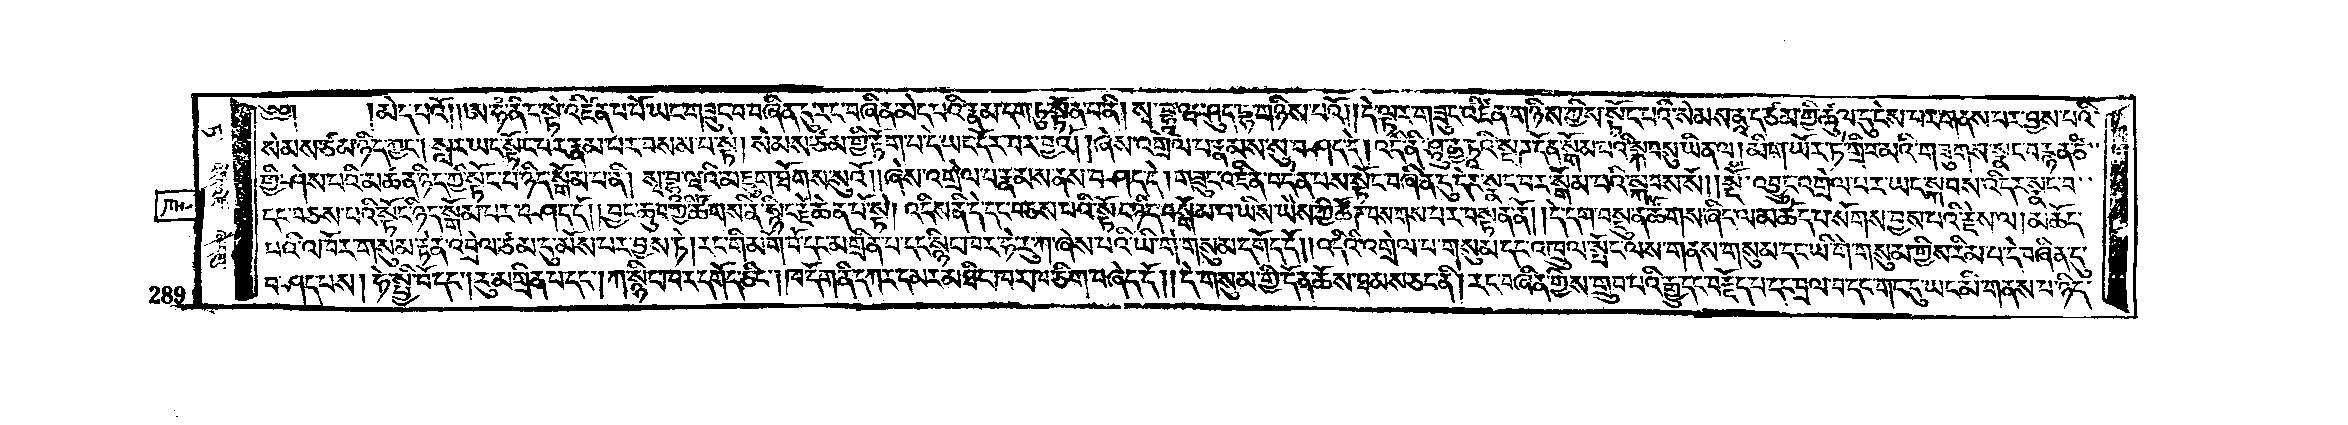༄༅། །མེད་པའོ། །ཨ་ཧཾ་ནི་ང་སྟེ་འཛིན་པ་པོ་ཡང་གཟུང་བ་བཞིན་དུ་རང་བཞིན་མེད་པའི་རྣམ་དག་ཏུ་སྟོན་པ་ནི། སྭ་བྷཱ་ཝ་ཤུད་དྷ་གཉིས་པའོ། །དེ་ལྟར་གཟུང་འཛིན་གཉིས་ཀྱིས་སྟོང་པའི་སེམས་ནཱ་ད་ཙམ་གྱི་ཚུལ་དུ་ངེས་པར་གནས་པར་བྱས་པའི་
སེམས་ཙམ་ཉིད་ཀྱང་། སླར་ཡང་སྟོང་པར་རྣམ་པར་བསམ་པ་སྟེ། སེམས་ཙམ་གྱི་རྟོག་པ་དེ་ཡང་དོར་བར་བྱའོ། །ཞེས་འགྲེལ་པ་རྣམས་སུ་བཤད་དེ། འདི་ནི་ཤཱུ་ནྱ་ཏཱའི་སྔགས་དོན་སྒོམ་པའི་སྐབས་སུ་ཡིན་ལ། མིག་ཡོར་ཏེ་གྲིབ་མའི་གཟུགས་སྣང་བརྙན་ཙཾ་
གྱི་ཤེས་པའི་མཚན་ཉིད་ཀྱི་སྟོང་པ་ཉིད་སྒོམ་པ་ནི། སྭ་བྷཱ་ཝའི་མཇུག་ཐོགས་སུའོ། །ཞེས་འགྲེལ་པ་རྣམས་ནས་བཤད་དེ། གཟུང་འཛིན་བདེན་པས་སྟོང་བཞིན་དུ་དེར་སྣང་བར་སྒོམ་པའི་སྐབས་སོ། །སྡོམ་འབྱུང་འགྲེལ་པར་ཡང་སྐབས་འདིར་སྣང་བ་
དང་བཅས་པའི་སྟོང་ཉིད་སྒོམ་པར་བཤད་དོ། །བྱང་ཆུབ་ཀྱི་ཚོགས་ནི་སྙིང་རྗེ་ཆེན་པོ་སྟེ། འདིས་ནི་དེ་དང་བཅས་པའི་སྟོང་ཉིད་བསྒོམ་པ་ཡིས་ཡིས་?་ཀྱི་ཚོགས་བསགས་པར་བསྟན་ནོ། །དེ་དག་བསྡུ་ན་ཚོགས་ཞིང་ལ་མཆོད་པ་སོགས་བྱས་པའི་རྗེས་ལ། མཆོད་
པའི་འཁོར་གསུམ་རྟེན་འབྲེལ་ཙམ་དུ་མོས་པར་བྱས་ཏེ། རང་གི་མགོ་བོ་དང་མགྲིན་པ་དང་སྙིང་ཁར་ཧེ་རུ་ཀ་ཞེས་པའི་ཡི་གེ་གསུམ་དགོད་དོ། །འདིའི་འགྲེལ་པ་གསུམ་དང་འཁྲུལ་སྤོང་ལས་གནས་གསུམ་དང་ཡི་གེ་གསུམ་གྱིས་རིམ་པ་དེ་བཞིན་དུ་
བཤད་པས། ཧེ་སྤྱི་བོ་དང་། རུ་མགྲིན་པ་དང་། ཀ་སྙིང་ཁར་དགོད་ཅིང་། ཁ་དོག་ནི་དཀར་དམར་མཐིང་ཁར་ཁ་ཅིག་བཞེད་དོ། །དེ་གསུམ་གྱི་དོན་ཆོས་ཐམས་ཅད་ནི། རང་བཞིན་གྱིས་གྲུབ་པའི་རྒྱུ་དང་བརྗོད་པ་དང་བྲལ་བ་དང་གང་དུ་ཡང་མི་གནས་པ་ཉིད་